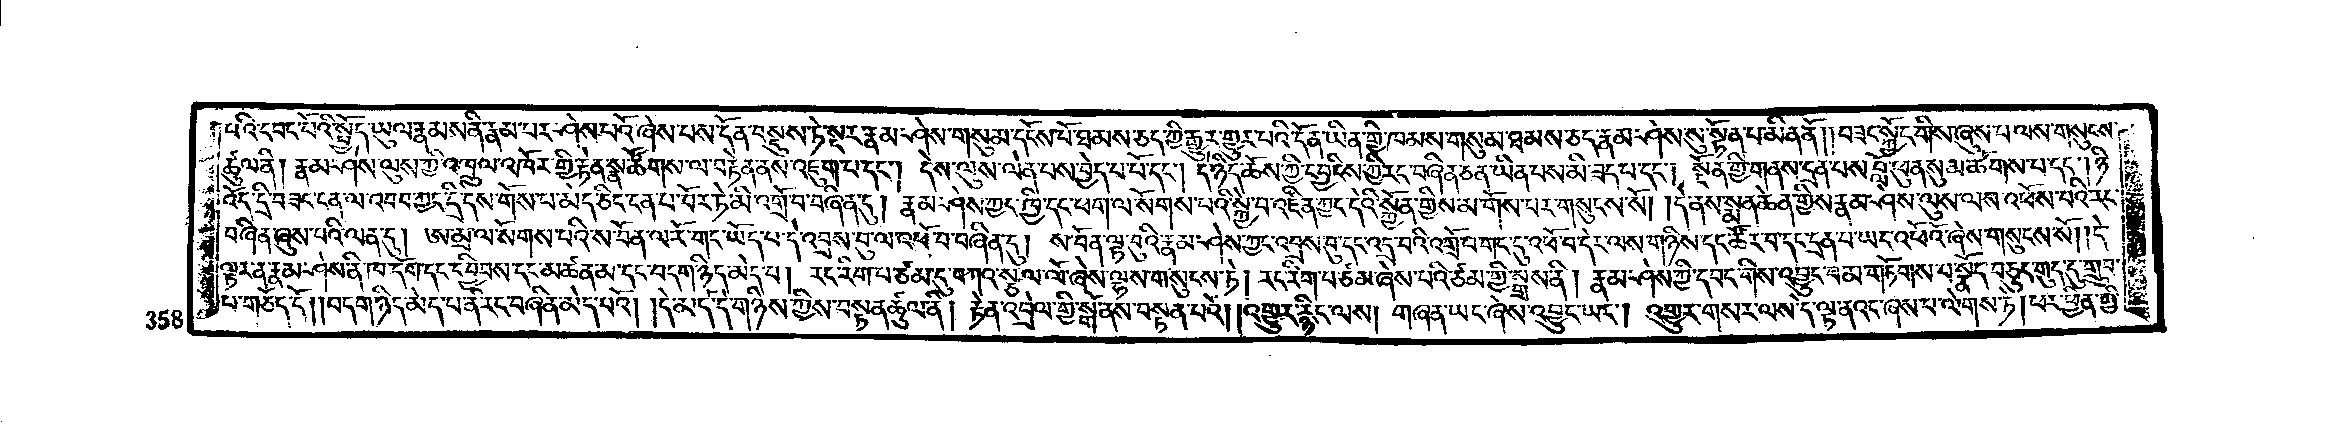པའི་དབང་པོའི་སྤྱོད་ཡུལ་རྣམས་ནི་རྣམ་པར་ཤེས་པའོ་ཞེས་པས་དོན་བསྡུས་ཏེ་སྔར་རྣམ་ཤེས་གསུམ་དངོས་པོ་ཐམས་ཅད་ཀྱི་རྒྱུར་གྱུར་པའི་དོན་ཡིན་གྱི་ཁམས་གསུམ་ཐམས་ཅད་རྣམ་ཤེས་སུ་སྟོན་པ་མིན་ནོ། །བཟང་སྐྱོང་གིས་ཞུས་པ་ལས་གསུངས་
ཚུལ་ནི། རྣམ་ཤེས་ལུས་ཀྱི་འཁྲུལ་འཁོར་གྱི་རྟེན་སྣ་ཚོགས་ལ་བརྟེན་ནས་འཇུག་པ་དང་། དེས་ལུས་ལེན་པས་བྱེད་པ་པོ་དང་། དེ་ཉིད་ཆོས་ཀྱི་དབྱིངས་ཀྱི་རང་བཞིན་ཅན་ཡིན་པས་མི་ཟད་པ་དང་། སྔོན་གྱི་གནས་དྲན་པས་བློ་ཕུན་སུམ་ཚོགས་པ་དང་། ཉི་
འོད་དྲི་བཟང་ངན་ལ་འབབ་ཀྱང་དྲི་དེས་གོས་པ་མེད་ཅིང་ངན་པ་བོར་ཏེ་མི་འགྲོ་བ་བཞིན་དུ། རྣམ་ཤེས་ཀྱང་ཁྱི་དང་ཕག་ལ་སོགས་པའི་སྐྱེ་བ་འཛིན་ཀྱང་དེའི་སྐྱོན་གྱིས་མ་གོས་པར་གསུངས་སོ། །དེ་ནས་སྨན་ཆེན་གྱིས་རྣམ་ཤེས་ལུས་ལས་འཕོས་པའི་རང་
བཞིན་ཞུས་པའི་ལན་དུ། ཨ་མྲ་ལ་སོགས་པའི་ས་བོན་ལ་རོ་གང་ཡོད་པ་དེ་འབྲས་བུ་ལ་འཕོ་བ་བཞིན་དུ། ས་བོན་ལྟ་བུའི་རྣམ་ཤེས་ཀྱང་འབྲས་བུ་དང་འདྲ་བའི་འགྲོ་བ་གང་དུ་འཕོ་བ་དེར་ལས་གཉིས་དང་ཚོར་བ་དང་དྲན་པ་ཡང་འཕོའོ་ཞེས་གསུངས་སོ། །དེ་
ལྟར་ན་རྣམ་ཤེས་ནི་ཁ་དོག་དང་དབྱིབས་དང་མཚན་མ་དང་བདག་ཉིད་མེད་པ། རང་རིག་པ་ཙམ་དུ་བཀའ་སྩལ་ལོ་ཞེས་ལྷས་གསུངས་ཏེ། རང་རིག་པ་ཙམ་ཞེས་པའི་ཙམ་གྱི་སྒྲས་ནི། རྣམ་ཤེས་ཀྱི་དབང་གིས་འབྱུང་བ་མ་གཏོགས་པ་སྣོད་བཅུད་གུད་དུ་གྲུབ་གྲུབ་
པ་གཅོད་དོ། །བདག་ཉིད་མེད་པ་ནི་རང་བཞིན་མེད་པའོ། །དེ་མདོ་དེ་གཉིས་ཀྱིས་བསྟན་ཚུལ་ནི། རྟེན་འབྲེལ་གྱི་སྒོ་ནས་བསྟན་པའོ། །འགྱུར་རྙིང་ལས། གཞན་ཡང་ཞེས་འབྱུང་ཡང་། འགྱུར་གསར་ལས་དེ་ལྟ་ནའང་ཞེས་པ་ལེགས་ཏེ། ཕར་ཕྱིན་གྱི་